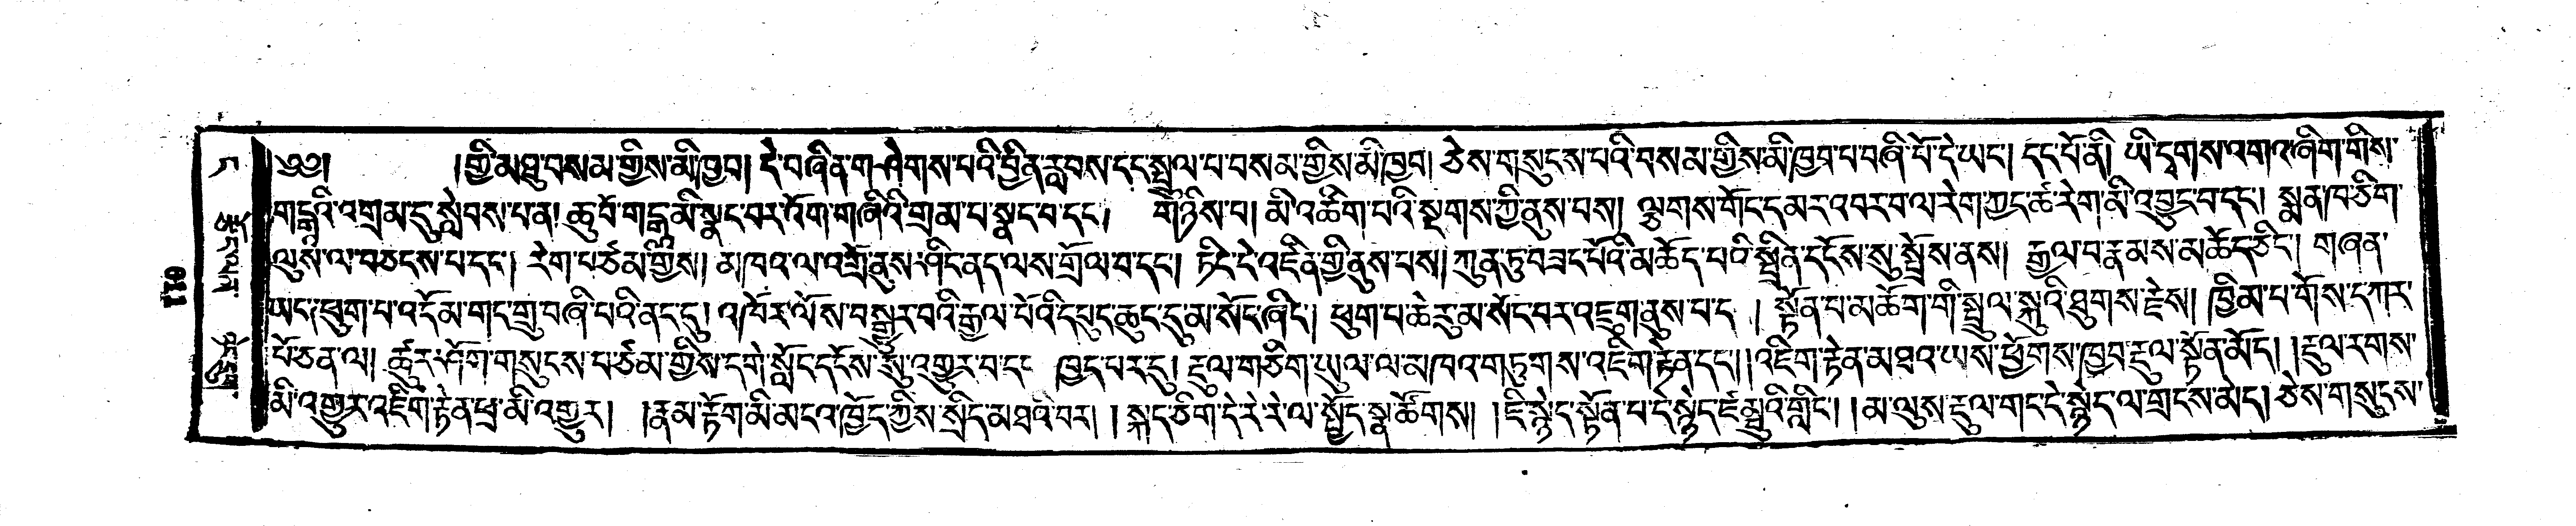༄༅། །གྱི་མཐུ་བསམ་གྱིས་མི་ཁྱབ། དེ་བཞིན་གཤེགས་པའི་བྱིན་རླབས་དང་སྤྲུལ་པ་བསམ་གྱིས་མི་ཁྱབ། ཅེས་གསུངས་པའི་བསམ་གྱིས་མི་ཁྱབ་པ་བཞི་པོ་དེ་ཡང་། དང་པོ་ནི། ཡི་དྭགས་འགའ་ཞིག་གིས་
གངྒཱའི་འགྲམ་དུ་སླེབས་པ་ན། ཆུ་བོ་གངྒཱ་མི་སྣང་བར་འོག་གཞིའི་གྲམ་པ་སྣང་བ་དང་། གཉིས་པ། མི་འཚིག་པའི་སྔགས་ཀྱི་ནུས་པས། ལྕགས་གོང་དམར་འབར་བ་ལ་རེག་ཀྱང་ཚ་རེག་མི་འབྱུང་བ་དང་། སྨན་ཁ་ཅིག་
ལུས་ལ་བཅངས་པ་དང་། རེག་པ་ཙམ་གྱིས། མཁའ་ལ་འགྲོ་ནུས་ཤིང་ནད་ལས་གྲོལ་བ་དང་། ཏིང་ངེ་འཛིན་གྱི་ནུས་པས། ཀུན་ཏུ་བཟང་པོའི་མཆོད་པའི་སྤྲིན་དངོས་སུ་སྤྲོས་ནས། རྒྱལ་བ་རྣམས་མཆོད་ཅིང་། གཞན་
ཡང༑ ཕུག་པ་འདོམ་གང་གྲུ་བཞི་པའི་ནང་དུ། འཁོར་ལོས་བསྒྱུར་བའི་རྒྱལ་པོའི་དཔུང་ཆུང་དུ་མ་སོང་ཞིང་། ཕུག་པ་ཆེ་རུ་མ་སོང་བར་འཇུག་ནུས་པ་དང་། སྟོན་པ་མཆོག་གི་སྤྲུལ་སྐུའི་ཐུགས་རྗེས། ཁྱིམ་པ་གོས་དཀར་
པོ་ཅན་ལ། ཚུར་ཤོག་གསུངས་པ་ཙམ་གྱིས་དགེ་སློང་དངོས་སུ་འགྱུར་བ་དང་། ཁྱད་པར་དུ། རྡུལ་གཅིག་ཡུལ་ལ་མཁའ་གཏུགས་འཇིག་རྟེན་དང་། །འཇིག་རྟེན་མཐའ་ཡས་ཕྱོགས་ཁྱབ་རྡུལ་སྟོན་མོད། །རྡུལ་རགས་
མི་འགྱུར་འཇིག་རྟེན་ཕྲ་མི་འགྱུར། །རྣམ་རྟོག་མི་མངའ་ཁྱོད་ཀྱིས་སྲིད་མཐའི་བར། །སྐད་ཅིག་དེ་རེ་རེ་ལ་སྤྱོད་སྣ་ཚོགས། །ཇི་སྙེད་སྟོན་པ་དེ་སྙེད་ཛམྦུའི་གླིང་། །མ་ལུས་རྡུལ་གང་དེ་སྙེད་ལ་གྲངས་མེད། ཅེས་གསུངས་